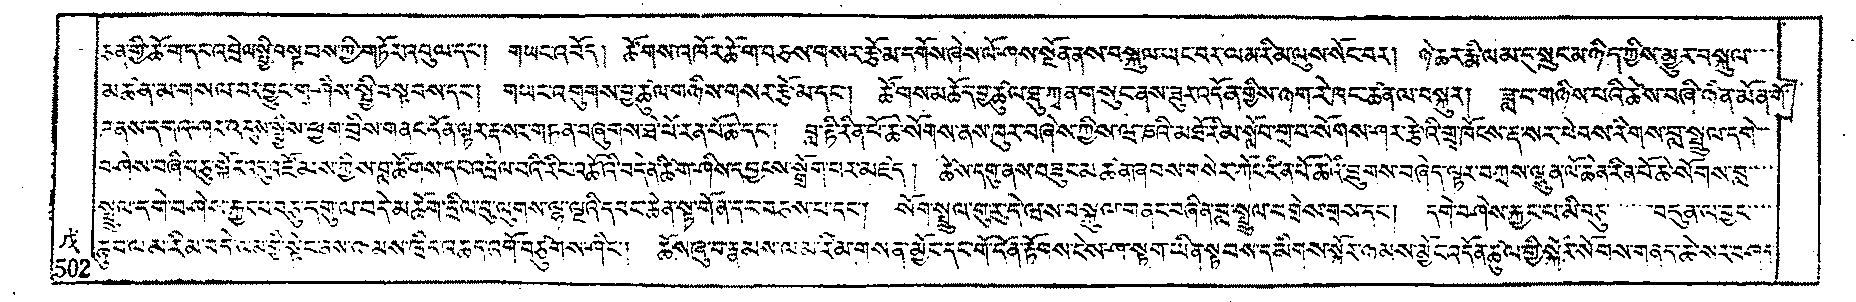ཅན་གྱི་ཆོ་ག་དང་འབྲེལ་སྤྱི་བསྟབས་ཀྱི་གཏོར་འབུལ་དང་། གཡང་འབོད། ཚོགས་འཁོར་ཆོ་ག་བཅས་གསར་རྩོམ་དགོས་ཞེས་ལོ་ཤས་སྔོན་ནས་བསྐུལ་ཡང་བར་ལམ་རིམ་ལུས་སོང་བར། ཉེ་ཆར་རྨི་ལམ་དུ་སྲུང་མ་ཉིད་ཀྱིས་མྱུར་བསྐུལ་
མཚན་མ་གསལ་བར་བྱུང་གཤིས་སྤྱི་བསྟབས་དང་། གཡང་འགུགས་བྱ་ཚུལ་གཉིས་གསར་རྩོམ་དང་། ཚོགས་མཆོད་བྱ་ཚུལ་ཐུ་ཀྭན་གསུང་ནས་ཟུར་འདོན་གྱིས་ཉག་རེ་ཁང་ཚན་ལ་བསྐུར། ཟླ་བ་གཉིས་པའི་ཚེས་བཞི་ཉིན་མོན་གོ་
ཌ་ནས་དགའ་ཤར་འདུས་སྤྱིས་ཕྱག་བྲིས་གནང་དོན་ལྟར་རྡ་སར་གཏན་བཞུགས་ཐེ་པོ་རན་པོ་ཆེ་དང་། བླ་རྟི་རིན་པོ་ཆེ་སོགས་ནས་ཁུར་བཞེས་ཀྱིས་ཝ་ཎའི་མཐོ་རིམ་སློབ་གྲ་བ་སོགས་ཤར་རྩེའི་གྲྭ་ཁོངས་རྡ་སར་ཕེབས་རིགས་བླ་སྤྲུལ་དགེ་
བཤེས་བཞི་བཅུ་སྐོར་འདུ་འཛོམས་ཀྱིས་བླ་ཚོགས་དང་འབྲེལ་བའི་རིང་འཚོའི་བདེན་ཚིག་ཤིས་དབྱངས་སྒྲོག་པར་མཛད། ཚེས་དགུ་ནས་བཟུང་མཚན་ཞབས་གསེར་ཀོང་རིན་པོ་ཆེའི་ཐུགས་བཞེད་ལྟར་བཀྲས་ལྷུན་ལོ་ཆེན་རིན་པོ་ཆེ་སོགས་བླ་
སྤྲུལ་དགེ་བཤེས་རྐྱང་པ་བཅུ་དགུ་ལ་བདེ་མཆོག་དྲིལ་བུ་ལུགས་ལྷ་ལྔའི་དབང་ཆེན་སྟ་གོན་དང་བཅས་པ་དང་། སོག་སྤྲུལ་གུ་རུ་དེ་ཝས་བསྐུལ་གནང་བཞིན་བླ་སྤྲུལ་བགྲེས་གྲས་དང་། དགེ་བཤེས་རྐྱང་པ་མི་བཅུ་བདུན་ལ་བྱང་
ཆུབ་ལམ་རིམ་བདེ་ལམ་གྱི་སྟེང་ནས་ཉམས་ཁྲིད་འཆད་འགོ་བཙུགས་ཤིང་། ཆོས་ཞུ་བ་རྣམས་ལམ་རིམ་གསན་མྱོང་དང་གོ་དོན་རྟོགས་ངེས་ཤ་སྟག་ཡིན་སྟབས་དམིགས་སྐོར་ཉམས་མྱོང་འདོན་ཚུལ་གྱི་སྐོར་སོགས་གནད་ཆེ་སར་བཤད་